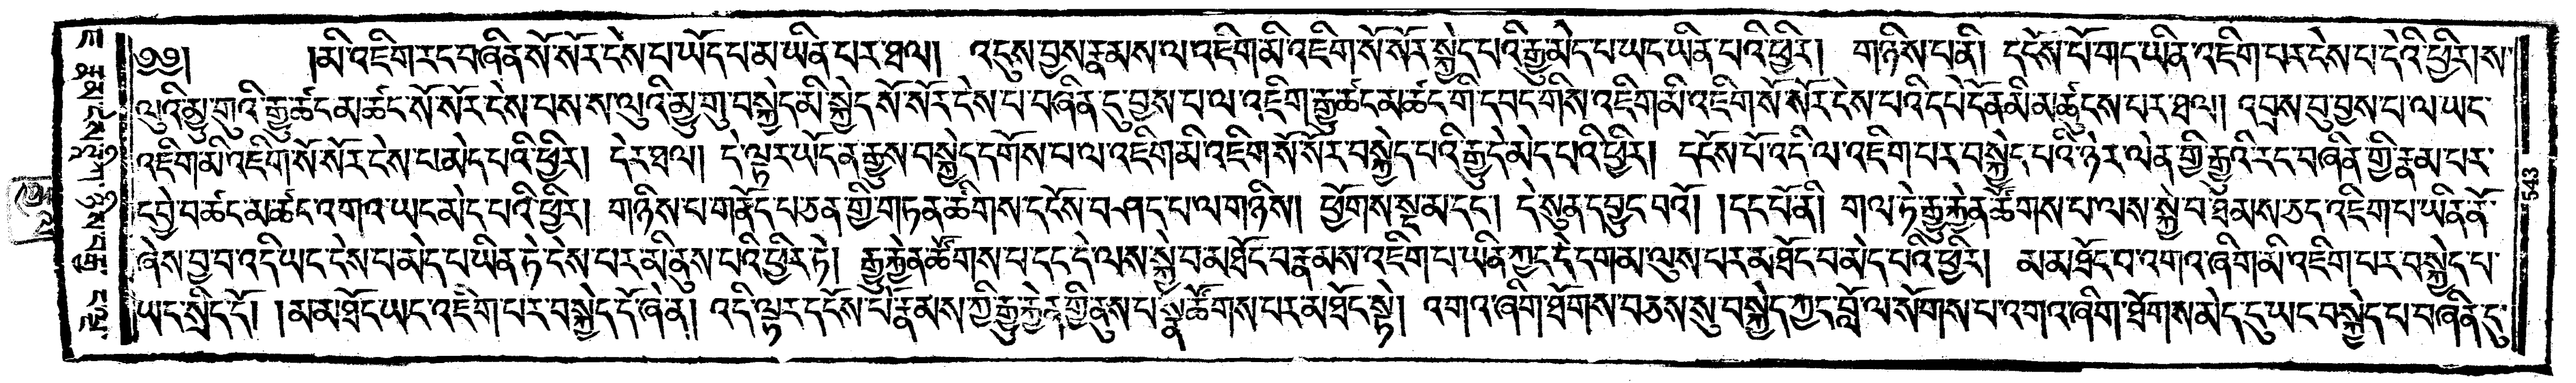༄༅། །མི་འཇིག་རང་བཞིན་སོ་སོར་ངེས་པ་ཡོད་པ་མ་ཡིན་པར་ཐལ། འདུས་བྱས་རྣམས་ལ་འཇིག་མི་འཇིག་སོ་སོར་སྐྱེད་པའི་རྒྱུ་མེད་པ་ཡང་ཡིན་པའི་ཕྱིར། གཉིས་པ་ནི། དངོས་པོ་གང་ཡིན་འཇིག་པར་ངེས་པ་དེའི་ཕྱིར། ས་
ལུའི་མྱུ་གུའི་རྒྱུ་ཚང་མ་ཚང་སོ་སོར་ངེས་པས་ས་ལུའི་མྱུ་གུ་བསྐྱེད་མི་སྐྱེད་སོ་སོར་ངེས་པ་བཞིན་དུ་བྱས་པ་ལ་འཇིག་རྒྱུ་ཚང་མ་ཚང་གི་དབང་གིས་འཇིག་མི་འཇིག་སོ་སོར་ངེས་པའི་དཔེ་དོན་མི་མཚུངས་པར་ཐལ། འབྲས་བུ་བྱས་པ་ལ་ཡང་
འཇིག་མི་འཇིག་སོ་སོར་ངེས་པ་མེད་པའི་ཕྱིར། དེར་ཐལ། དེ་ལྟར་ཡོད་ན་རྒྱུས་བསྐྱེད་དགོས་པ་ལ་འཇིག་མི་འཇིག་སོ་སོར་བསྐྱེད་པའི་རྒྱུ་དེ་མེད་པའི་ཕྱིར། དངོས་པོ་འདི་ལ་འཇིག་པར་བསྐྱེད་པའི་ཉེར་ལེན་གྱི་རྒྱུའི་རང་བཞིན་གྱི་རྣམ་པར་
དབྱེ་བ་ཚང་མ་ཚང་འགའ་ཡང་མེད་པའི་ཕྱིར། གཉིས་པ་གནོད་པ་ཅན་གྱི་གཏན་ཚིགས་དངོས་བཤད་པ་ལ་གཉིས། ཕྱོགས་སྔ་མ་དང་། དེ་སུན་དབྱུང་བའོ། །དང་པོ་ནི། གལ་ཏེ་རྒྱུ་རྐྱེན་ཚོགས་པ་ལས་སྐྱེ་བ་ཐམས་ཅད་འཇིག་པ་ཡིན་ནོ་
ཞེས་བྱ་བ་འདི་ཡང་ངེས་པ་མེད་པ་ཡིན་ཏེ་ངེས་པར་མི་ནུས་པའི་ཕྱིར་ཏེ། རྒྱུ་རྐྱེན་ཚོགས་པ་དང་དེ་ལས་སྐྱེ་བ་མཐོང་བ་རྣམས་འཇིག་པ་ཡིན་ཀྱང་དེ་དག་མ་ལུས་པར་མཐོང་བ་མེད་པའི་ཕྱིར། མ་མཐོང་བ་འགའ་ཞིག་མི་འཇིག་པར་བསྐྱེད་པ་
ཡང་སྲིད་དོ། །མ་མཐོང་ཡང་འཇིག་པར་བསྐྱེད་དོ་ཞེ་ན། འདི་ལྟར་དངོས་པོ་རྣམས་ཀྱི་རྒྱུ་རྐྱེན་གྱི་ནུས་པ་སྣ་ཚོགས་པར་མཐོང་སྟེ། འགའ་ཞིག་ཐོགས་བཅས་སུ་བསྐྱེད་ཀྱང་བློ་ལ་སོགས་པ་འགའ་ཞིག་ཐོགས་མེད་དུ་ཡང་བསྐྱེད་པ་བཞིན་དུ་